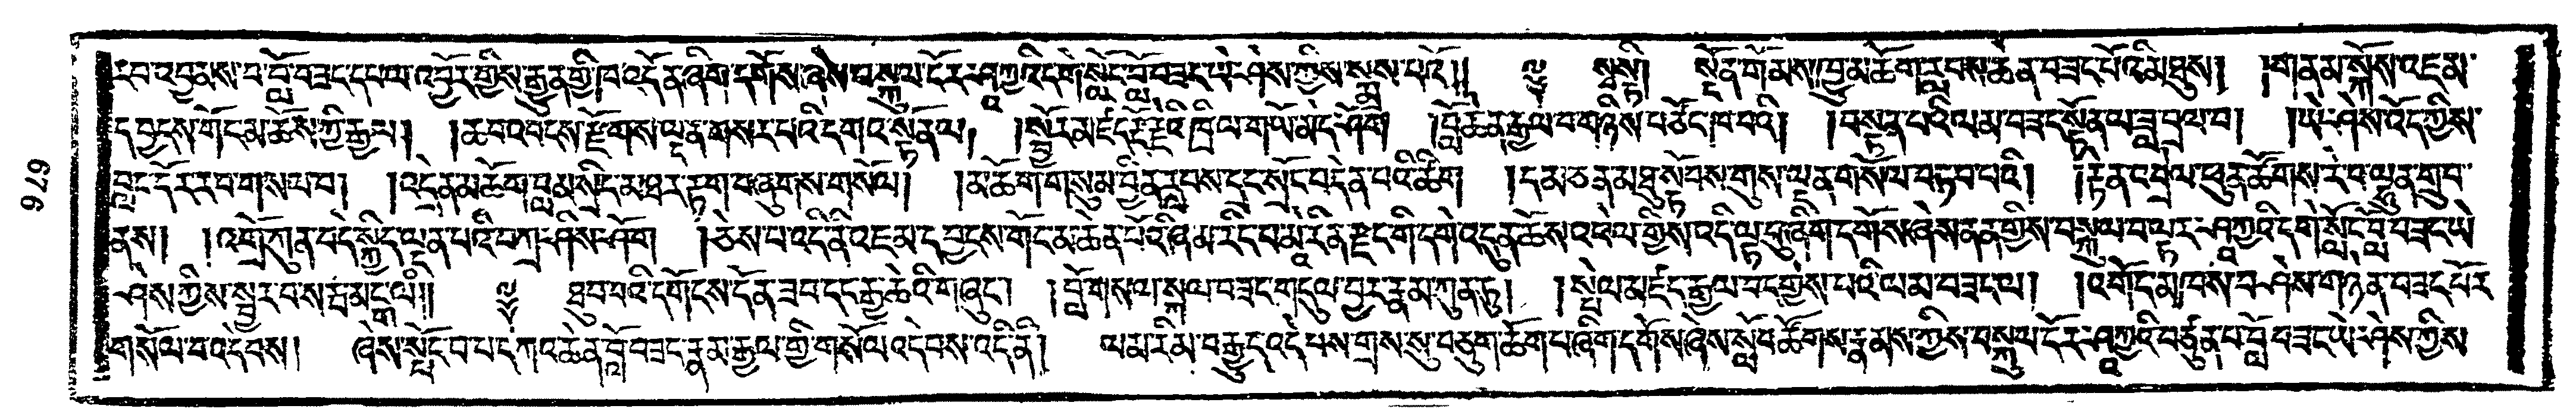རབ་འབྱམས་བ་བློ་བཟང་དཔལ་འབྱོར་གྱིས་རྒྱུན་གྱི་ཁ་འདོན་ཞིག་དགོས་ཞེས་བསྐུལ་ངོར་ཤཱཀྱའི་དགེ་སློང་བློ་བཟང་ཡེ་ཤེས་ཀྱིས་སྨྲས་པའོ།། ༈ སྭསྟི། སྔོན་གོམས་ཁྱུ་མཆོག་རླབས་ཆེན་བཟང་པོའི་མཐུས། །གནམ་སྐོས་འཇམ་
དབྱངས་གོང་མ་ཆོས་ཀྱི་རྒྱལ། །ཆབ་འབངས་རྫོགས་ལྡན་གསར་པའི་དགའ་སྟོན་ལ། །སྦྱོར་མཛད་རྡོ་རྗེའི་ཁྲིལ་གཡོ་མེད་ཤོག །བློ་ཆེན་རྒྱལ་བ་གཉིས་བཙོང་ཁ་བའི། །བསྟན་པའི་ལམ་བཟང་སྟོན་ལ་ཟླ་བྲལ་བ། །ཡེ་ཤེས་འོད་ཀྱིས་
བླང་དོར་རབ་གསལ་བ། །འདྲེན་མཆོག་བླ་མ་སྲིང་མཐར་རྟག་བཞུགས་གསོལ། །མཆོག་གསུམ་བྱིན་རླབས་དྲང་སྲོང་བདེན་པའི་ཚིག །དམ་ཅན་མཐུ་སྟོབས་གུས་ལྡན་གསོལ་བཏབ་པའི། །རྟེན་འབྲེལ་ཕུན་ཚོགས་རེ་བ་ལྷུན་གྲུབ་
ནས། །འགྲོ་ཀུན་བདེ་སྐྱིད་ལྡན་པའི་བཀྲ་ཤིས་ཤོག །ཅེས་པ་འདི་ནི་འཇམ་དབྱངས་གོང་མ་ཆེན་པོའི་ཞམ་རིང་པ་མE་རིན་རྫང་གི་དགེ་འདུན་ཆོས་འཕེལ་གྱིས་འདི་ལྟ་བུ་ཞིག་དགོས་ཞེས་ནན་གྱིས་བསྐུལ་བ་ལྟར་ཤཱཀྱའི་དགེ་སློང་བློ་བཟང་པོར་
ཤེས་ཀྱིས་སྦྱར་བ་སརྦ་མངྒ་ལཾ།། ༈ ཐུབ་པའི་དགོངས་དོན་ཟབ་དང་རྒྱ་ཆེའི་གཞུང་། །བློ་གསལ་སྐལ་བཟང་གདུལ་བྱར་རྣམ་ཀུན་ཏུ། །སྤེལ་མཛད་རྒྱལ་བ་དགྱེས་པའི་ལམ་བཟང་ལ། །འགོང་མཁས་བཤེས་གཉེན་བཟང་པོར་
གསོལ་བ་འདེབས། ཞེས་སྤོང་བ་པ་དཀའ་ཆེན་བློ་བཟང་རྣམ་རྒྱལ་གྱི་གསོལ་འདེབས་འདི་ནི། ལམ་རིམ་བརྒྱུད་འདེབས་གྲས་སུ་བཅུག་ཆོག་པ་ཞིག་དགོས་ཞེས་སློབ་ཚོགས་རྣམས་ཀྱིས་བསྐུལ་ངོར་ཤཱཀྱའི་བཙུན་པ་བློ་བཟང་ཡེ་ཤེས་ཀྱིས་